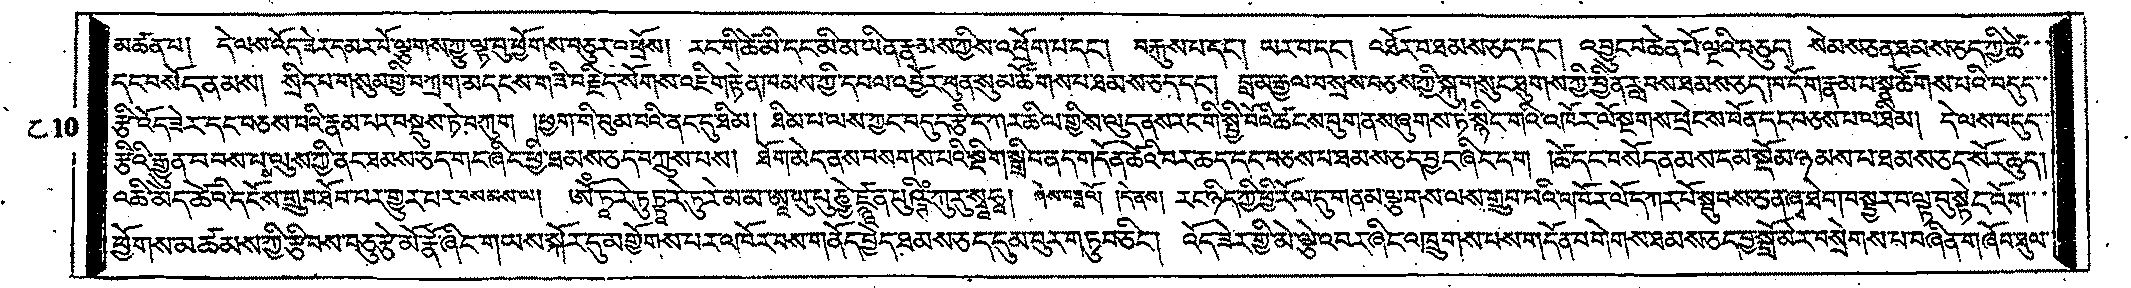མཚན་པ། དེ་ལས་འོད་ཟེར་དམར་པོ་ལྕགས་ཀྱུ་ལྟ་བུ་ཕྱོགས་བཅུར་འཕྲོས། རང་གི་ཚེ་མི་དང་མི་མ་ཡིན་རྣམས་ཀྱིས་འཕྲོག་པ་དང་། བརྐུས་པ་དང་། ཡར་བ་དང་། འཐོར་བ་ཐམས་ཅད་དང་། འབྱུང་བ་ཆེན་པོ་ལྔའི་བཅུད། སེམས་ཅན་ཐམས་ཅད་ཀྱི་ཚེ་་་
དང་བསོད་ནམས། སྲིད་པ་གསུམ་གྱི་བཀྲག་མདངས་གཟི་བརྗིད་སོགས་འཇིག་རྟེན་ཁམས་ཀྱི་དཔལ་འབྱོར་ཕུན་སུམ་ཚོགས་པ་ཐམས་ཅད་དང་། བླ་མ་རྒྱལ་བ་སྲས་བཅས་ཀྱི་སྐུ་གསུང་ཐུགས་ཀྱི་བྱིན་རླབས་ཐམས་ཅད་ཁ་དོག་རྣམ་པ་སྣ་ཚོགས་པའི་བདུད་་་
རྩི་འོད་ཟེར་དང་བཅས་པའི་རྣམ་པར་བསྡུས་ཏེ་བཀུག །ཕྱག་གི་བུམ་པའི་ནང་དུ་ཐིམ། ཐིམ་པ་ལས་ཀྱང་བདུད་རྩི་དཀར་ཆིལ་གྱིས་ལུད་ནས་རང་གི་སྤྱི་བོའི་ཚངས་བུག་ནས་ཞུགས་ཏེ་སྙིང་གའི་འཁོར་ལོ་སྔགས་ཕྲེང་ས་བོན་དང་བཅས་པ་ལ་ཐིམ། དེ་ལས་བདུད་་་
རྩིའི་རྒྱུན་བབས་པས་ལུས་ཀྱི་ནང་ཐམས་ཅད་ཞིང་ཕྱི་ཐམས་ཅད་བཀྲུས་པས། ཐོག་མེད་ནས་བསགས་པའི་སྡིག་སྒྲིབ་ནད་གདོན་ཚེའི་བར་ཆད་དང་བཅས་པ་ཐམས་ཅད་བྱང་ཞིང་དག །ཚེ་དང་བསོད་ནམས་དམ་སྡོམ་ཉམས་པ་ཐམས་ཅད་སོར་ཆུད།
འཆི་མེད་ཚེའི་དངོས་གྲུབ་ཐོབ་པར་གྱུར་པར་བསམས་ལ།  ཨོཾ་ཏཱ་རེ་ཏུ་ཏྟཱ་རེ་ཏུ་རེ་མ་མ་ཨཱ་ཡུ་པུ་ཎྱེ་ཛྙཱ་ན་པུཥྚིཾ་ཀུ་རུ་སྭཱཧཱ། ཞེས་བཟླའོ། །དེ་ནས།  རང་ཉིད་ཀྱི་ཕྱི་རོལ་དུ་གནམ་ལྕགས་ལས་གྲུབ་པའི་འཁོར་ལོ་དཀར་པོ་སྦུབས་ཅན་ཞྭ་ཐེབ་ཁ་སྦྱར་བ་ལྟ་བུ་སྟེང་འོག་་་
ཕྱོགས་མཚམས་ཀྱི་རྩིབས་བཅུ་རྩེ་མོ་རྣོ་ཞིང་གཡས་སྐོར་དུ་མགྱོགས་པར་འཁོར་བས་གནོད་བྱེད་ཐམས་ཅད་དུམ་བུར་གཏུབ་ཅིང་། འོད་ཟེར་གྱི་མེ་ལྕེ་འབར་ཞིང་འཁྲུགས་པས་གདོན་བགེགས་ཐམས་ཅད་བྱ་སྒྲོ་མེར་བསྲེགས་པ་བཞིན་གཞོབ་ཐུལ་